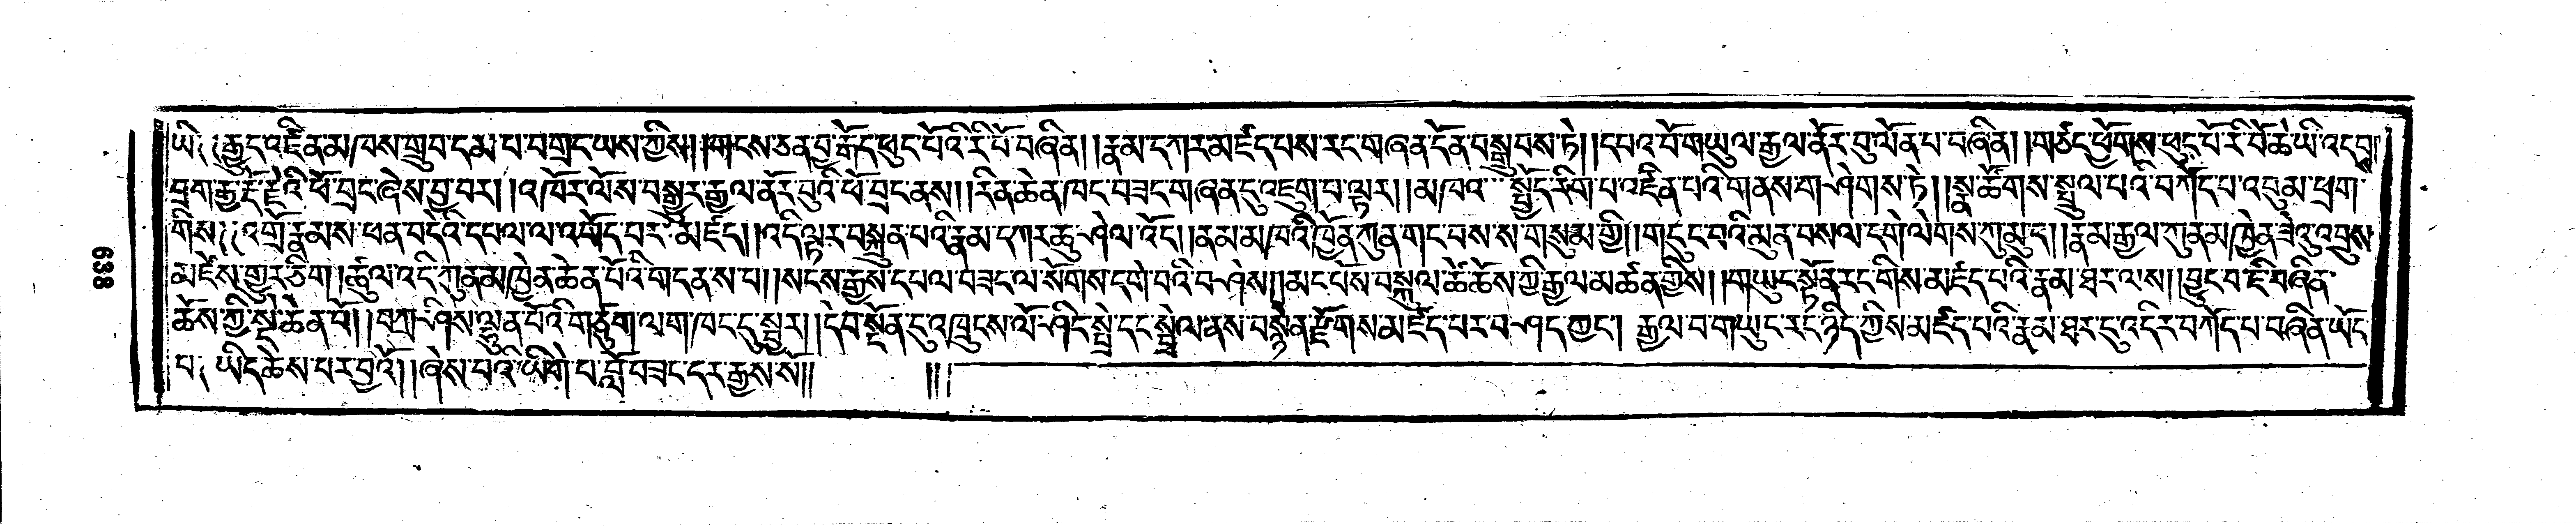ཡི༑ ༑རྒྱུད་འཛིན་མཁས་གྲུབ་དམ་པ་བགྲང་ཡས་ཀྱིས། །གངས་ཅན་བྱ་རྒོད་ཕུང་པོའི་རི་བོ་བཞིན། །རྣམ་དཀར་མཛད་པས་རང་གཞན་དོན་བསྒྲུབས་ཏེ། །དཔའ་བོ་གཡུལ་རྒྱལ་ནོར་བུ་ལོན་པ་བཞིན། །གཙང་ཕྱོགས་ཕུང་པོ་རི་བོ་ཆེ་ཡི་འདབས།
བྲག་རྒྱ་རྡོ་རྗེའི་ཕོ་བྲང་ཞེས་བྱ་བར། །འཁོར་ལོས་བསྒྱུར་རྒྱལ་ནོར་བུའི་ཕོ་བྲང་ནས། །རིན་ཆེན་ཁང་བཟང་གཞན་དུ་འཇུག་པ་ལྟར། །མཁའ་སྤྱོད་རིག་པ་འཛིན་པའི་གནས་གཤེགས་ཏེ། །སྣ་ཚོགས་སྤྲུལ་པའི་བཀོད་པ་འབུམ་ཕྲག་
གིས༑ ༑འགྲོ་རྣམས་ཕན་བདེའི་དཔལ་ལ་འགོད་པར་མཛད། །འདི་ལྟར་བསྐྲུན་པའི་རྣམ་དཀར་ཆུ་ཤེལ་འོད། །ནམ་མཁའི་ཁྱོན་ཀུན་གང་བས་ས་གསུམ་གྱི། །གདུང་བའི་མུན་བསལ་དགེ་ལེགས་ཀུ་མུ་ད། །རྣམ་རྒྱལ་ཀུན་མཁྱེན་ཟེའུ་འབྲུས་
མཛེས་གྱུར་ཅིག །ཚུལ་འདི་ཀུན་མཁྱེན་ཆེན་པོའི་གདན་ས་པ། །སངས་རྒྱས་དཔལ་བཟང་ལ་སོགས་དགེ་བའི་བཤེས། །མང་པོས་བསྐུལ་ཚེ་ཆོས་ཀྱི་རྒྱལ་མཚན་གྱིས། །གཡུང་སྟོན་རང་གིས་མཛད་པའི་རྣམ་ཐར་ལས། །བྱུང་བ་ཇི་བཞིན་
ཆོས་ཀྱི་སྡེ་ཆེན་པོ། །བཀྲ་ཤིས་ལྷུང་པོའི་གཙུག་ལག་ཁང་དུ་སྦྱར། །དེབ་སྔོན་དུ་འཁྲུངས་ལོ་ཤིང་སྤྲེ་དང་སྦྲེལ་ནས་བསྙེན་རྫོགས་མཛད་པར་བཤད་ཀྱང་། རྒྱལ་བ་གཡུང་རང་ཉིད་ཀྱིས་མཛད་པའི་རྣམ་ཐར་དུ་འདིར་བཀོད་པ་བཞིན་ཡོད་
པ༑ ཡིད་ཆེས་པར་བྱའོ། །ཞེས་པའི་ཡི་གེ་པ་བློ་བཟང་དར་རྒྱས་སོ།། །།